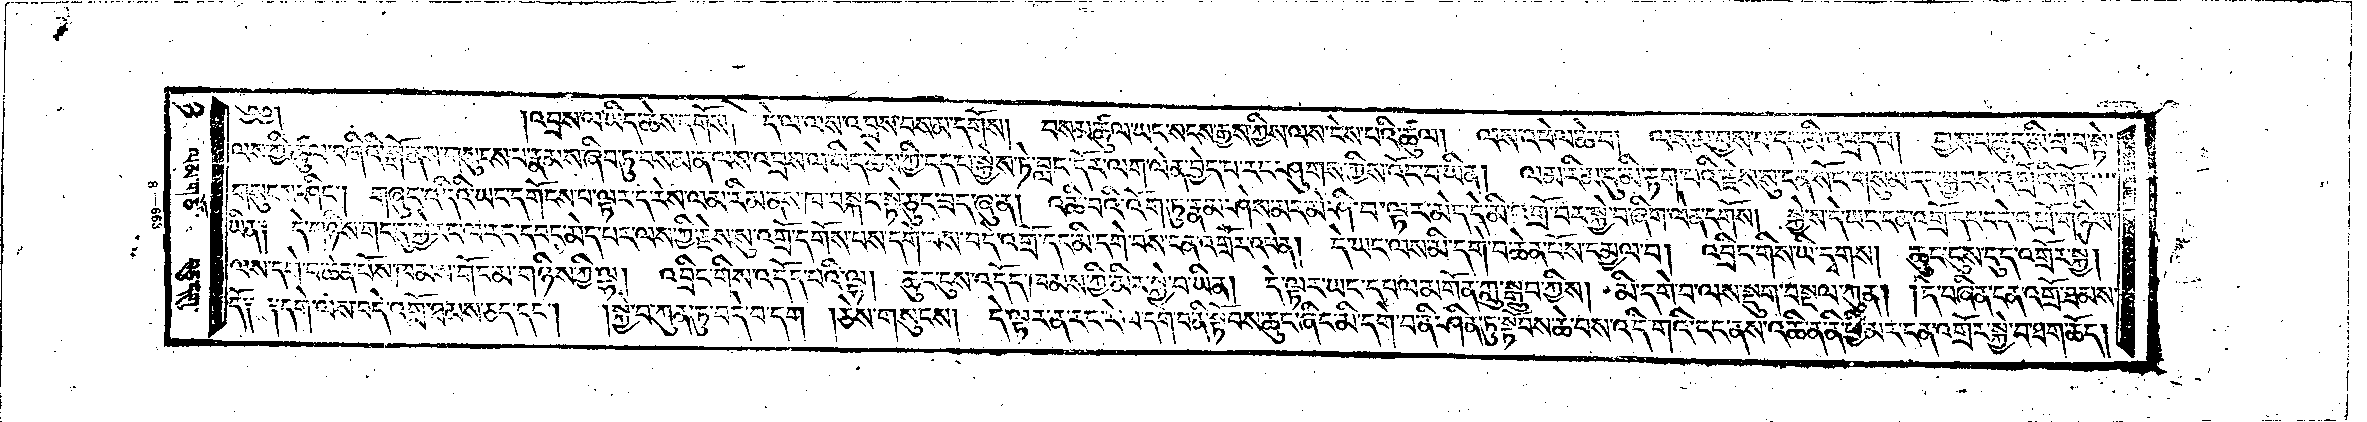༄༅། །འབྲས་ལ་ཡིད་ཆེས་དགོས། དེ་ལ་ལས་འབྲས་བསམ་དགོས། བསམ་ཚུལ་ཡང་སངས་རྒྱས་ཀྱིས་ལས་ངེས་པའི་ཚུལ། ལས་འཕེལ་ཆེ་བ། ལས་མ་བྱས་པ་དང་མི་འཕྲད་པ། བྱས་པ་ཆུད་མི་ཟ་བ་སྟེ་
ལས་ཀྱི་ཚུལ་བཞིའི་སྒོ་ནས་གསུངས་པ་རྣམས་ཞིབ་ཏུ་བསམ་ན་ལས་འབྲས་ལ་ཡིད་ཆེས་ཀྱི་དད་པ་སྐྱེས་ཏེ་བླང་དོར་ལག་ལེན་བྱེད་པ་རང་ཤུགས་ཀྱིས་འོང་བ་ཡིན། ལམ་རིམ་དུ་མི་རྟག་པའི་རྗེས་སུ་ངན་སོང་གསུམ་དང་སྐྱབས་འགྲོའི་སྐོར་
གསུངས་ཤིང་། གཞུང་འདིའི་ཡང་དགོངས་པ་ལྟར་ད་རེས་ལམ་རིམ་ནས་ཁ་བསྐང་སྟེ་ཅུང་ཟད་ཞུ་ན། འཆི་བའི་འོག་ཏུ་རྣམ་ཤེས་མར་མེ་ཤི་བ་ལྟར་མེད་དེ་མི་འགྲོ་བར་སྐྱེ་བ་ཞིག་ལེན་དགོས། སྐྱེ་ས་དེ་ཡང་ངན་འགྲོ་དང་བདེ་འགྲོ་གཉིས་
ཡིན༑ དེ་གཉིས་གང་དུ་སྐྱེ་རང་ལ་རང་དབང་མེད་པར་ལས་ཀྱི་རྗེས་སུ་འགྲོ་དགོས་པས་དགེ་བས་བདེ་འགྲོ་དང་མི་དགེ་བས་ངན་འགྲོར་འཕེན། དེ་ཡང་ལས་མི་དགེ་བ་ཆེན་པོས་དམྱལ་བ། འབྲིང་གིས་ཡི་དྭགས། ཆུང་ངུས་དུད་འགྲོར་སྐྱེ།
ལས་དགེ་བ་ཆེན་པོས་ཁམས་གོང་མ་གཉིས་ཀྱི་ལྷ། འབྲིང་གིས་འདོད་པའི་ལྷ། ཆུང་ངུས་འདོད་ཁམས་ཀྱི་མིར་སྐྱེ་བ་ཡིན། དེ་ལྟར་ཡང་དཔལ་མགོན་ཀླུ་སྒྲུབ་ཀྱིས། མི་དགེ་བ་ལས་སྡུག་བསྔལ་ཀུན། །དེ་བཞིན་ངན་འགྲོ་ཐམས་
དོ༑ ༑དགེ་ལས་བདེ་འགྲོ་ཐམས་ཅད་དང་། །སྐྱེ་བ་ཀུན་ཏུ་བདེ་བ་དག །ཅེས་གསུངས། དེ་ལྟར་ན་རང་རེ་ལ་དགེ་བ་ནི་སྟོབས་ཆུང་ཞིང་མི་དགེ་བ་ནི་ཤིན་ཏུ་སྟོབས་ཆེ་བས་འདི་གའི་ངང་ནས་འཆི་ན་ནི་ཕྱི་མར་ངན་འགྲོར་སྐྱེ་བ་ཐག་ཆོད།